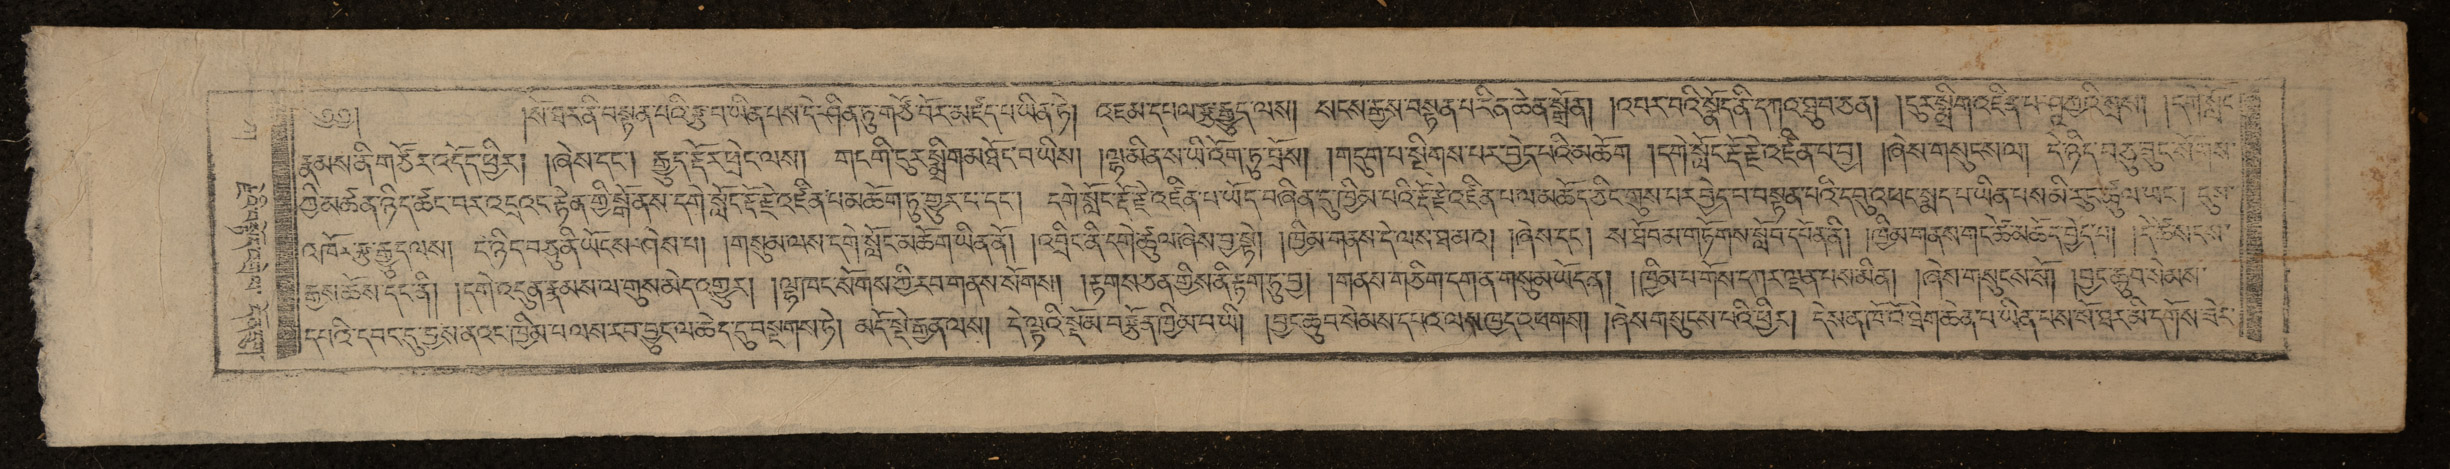༄༅། །སོ་ཐར་ནི་བསྟན་པའི་རྩ་བ་ཡིན་པས་དེ་ཤིན་ཏུ་གཙོ་བོར་མཛད་པ་ཡིན་ཏེ། འཇམ་དཔལ་རྩ་རྒྱུད་ལས། སངས་རྒྱས་བསྟན་བ་རིམ་ཆེན་སྒྲོན། །འབར་བའི་སྣོད་ནི་དཀའ་ཐུབ་ཅན། །དུར་སྨྲིག་འཛིན་བ་ཤཱཀྱའི་སྲས། །དགེ་སློང་
རྣམས་ནི་གཙོར་འདོད་ཕྱིར། །ཞེས་དང་། རྒྱུད་རྡོར་ཕྲེང་ལས། གང་གི་དུར་སྨྲིག་མཐོང་བ་ཡིས། །ལྷ་མིན་ས་ཡི་འོག་ཏུ་བྲོས། །གདུག་པ་སྡིགས་པར་བྱེད་པའི་མཆོག །དགེ་སློང་རྡོ་རྗེ་འཛིན་པ་བྱ། །ཞེས་གསུངས་ལ། དེ་ཉིད་བཅུ་ཟུང་སོགས་
ཀྱི་མཚན་ཉིད་ཚང་བར་འདྲའང་རྟེན་གྱི་སྒོ་ནས་དགེ་སློང་རྡོ་རྗེ་འཛིན་པ་མཆོག་ཏུ་གྱུར་པ་དང་། དགེ་སློང་རྡོ་རྗེ་འཛིན་པ་ཡོད་བཞིན་དུ་ཁྱིམ་པའི་རྡོ་རྗེ་འཛིན་པ་ལ་མཆོད་ཅིང་གུས་པར་བྱེད་པ་བསྟན་པའི་དབུ་འཕང་སྨད་པ་ཡིན་པས་མི་རུང་ཚུལ་ཡང་། དུས་
འཁོར་རྩ་རྒྱུད་ལས། དེ་ཉིད་བཅུ་ནི་ཡོངས་ཤེས་པ། །གསུམ་ལས་དགེ་སློང་མཆོག་ཡིན་ནོ། །འབྲིང་ནི་དགེ་ཚུལ་ཞེས་བྱ་སྟེ། །ཁྱིམ་གནས་དེ་ལས་ཐ་མའོ། །ཞེས་དང་། ས་ཐོབ་མ་གཏོགས་སློབ་དབོན་ནི། །ཁྱིམ་གནས་གང་ཚེ་མཆོད་བྱེད་བ། །དེ་ཚེ་སངས་
རྒྱས་ཆོས་དང་ནི། །དགེ་འདུན་རྣམས་ལ་གུས་མེད་འགྱུར། །ལྷ་ཁང་སོགས་ཀྱི་རབ་གནས་སོགས། །རྟགས་ཅན་གྱིས་ནི་རྟག་ཏུ་བྱ། །གནས་གཅིག་དག་ན་གསུམ་ཡོད་ན། །ཁྱིམ་པ་གོས་དཀར་ལྡན་པས་མིན། །ཞེས་གསུངས་སོ། །བྱང་ཆུབ་སེམས་
དཔའི་དབང་དུ་བྱས་ནའང་ཁྱིམ་བ་ལས་རབ་བྱུང་ལ་ཆེད་དུ་བསྔགས་ཏེ། མདོ་སྡེ་རྒྱན་ལས། དེ་ལྟའི་སྡོམ་བརྩོན་ཁྱིམ་པ་ཡི། །བྱང་ཆུབ་སེམས་དཔའ་ལས་ཁྱད་འཕགས། །ཞེས་གསུངས་བའི་ཕྱིར། དེས་ན་ཁོ་བོ་ཐེག་ཆེན་པ་ཡིན་པས་སོ་ཐར་མི་དགོས་ཟེར་